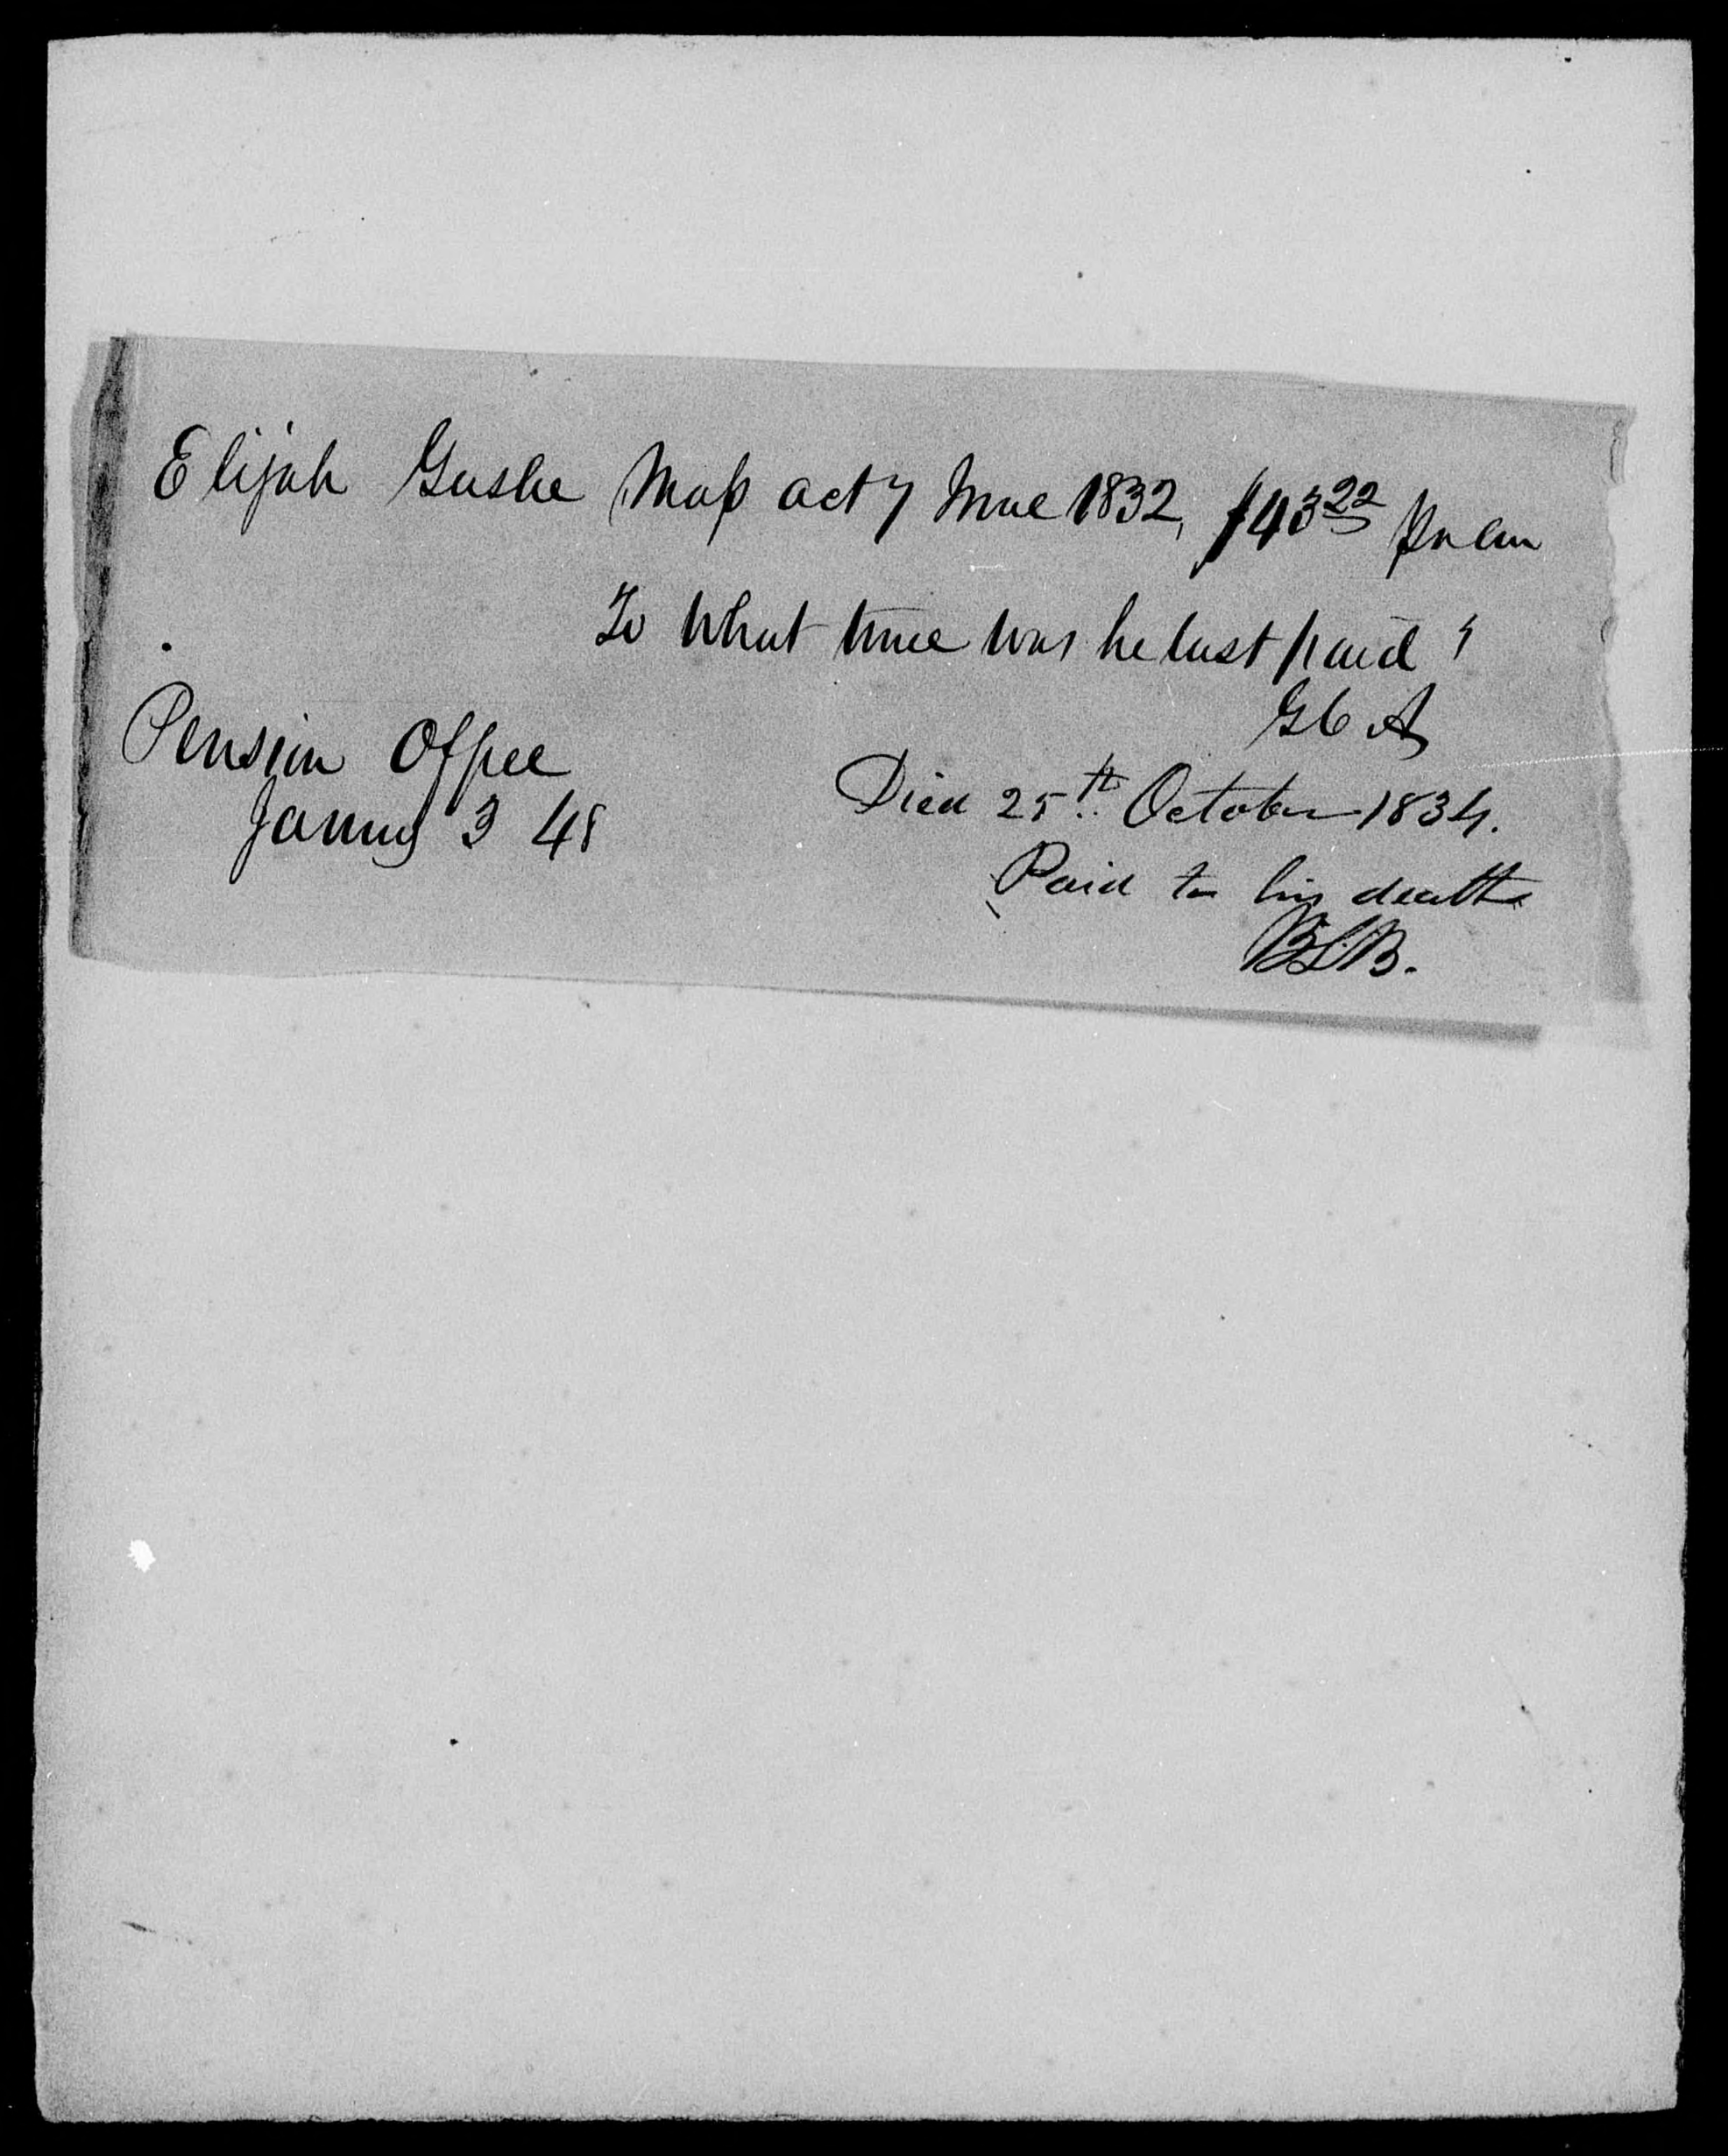Elijah Gushe Mass Acy 7 Mae 1832, 143.22 pr To What time was he last paid?
G6 A

Died 25th October 1834
Paid to his death
Initials of BSB

Pension Office
January 3 1848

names: Elijah Gushe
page: 22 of 36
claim: widow's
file: W. 8838, Elijah Gushee, Mass.